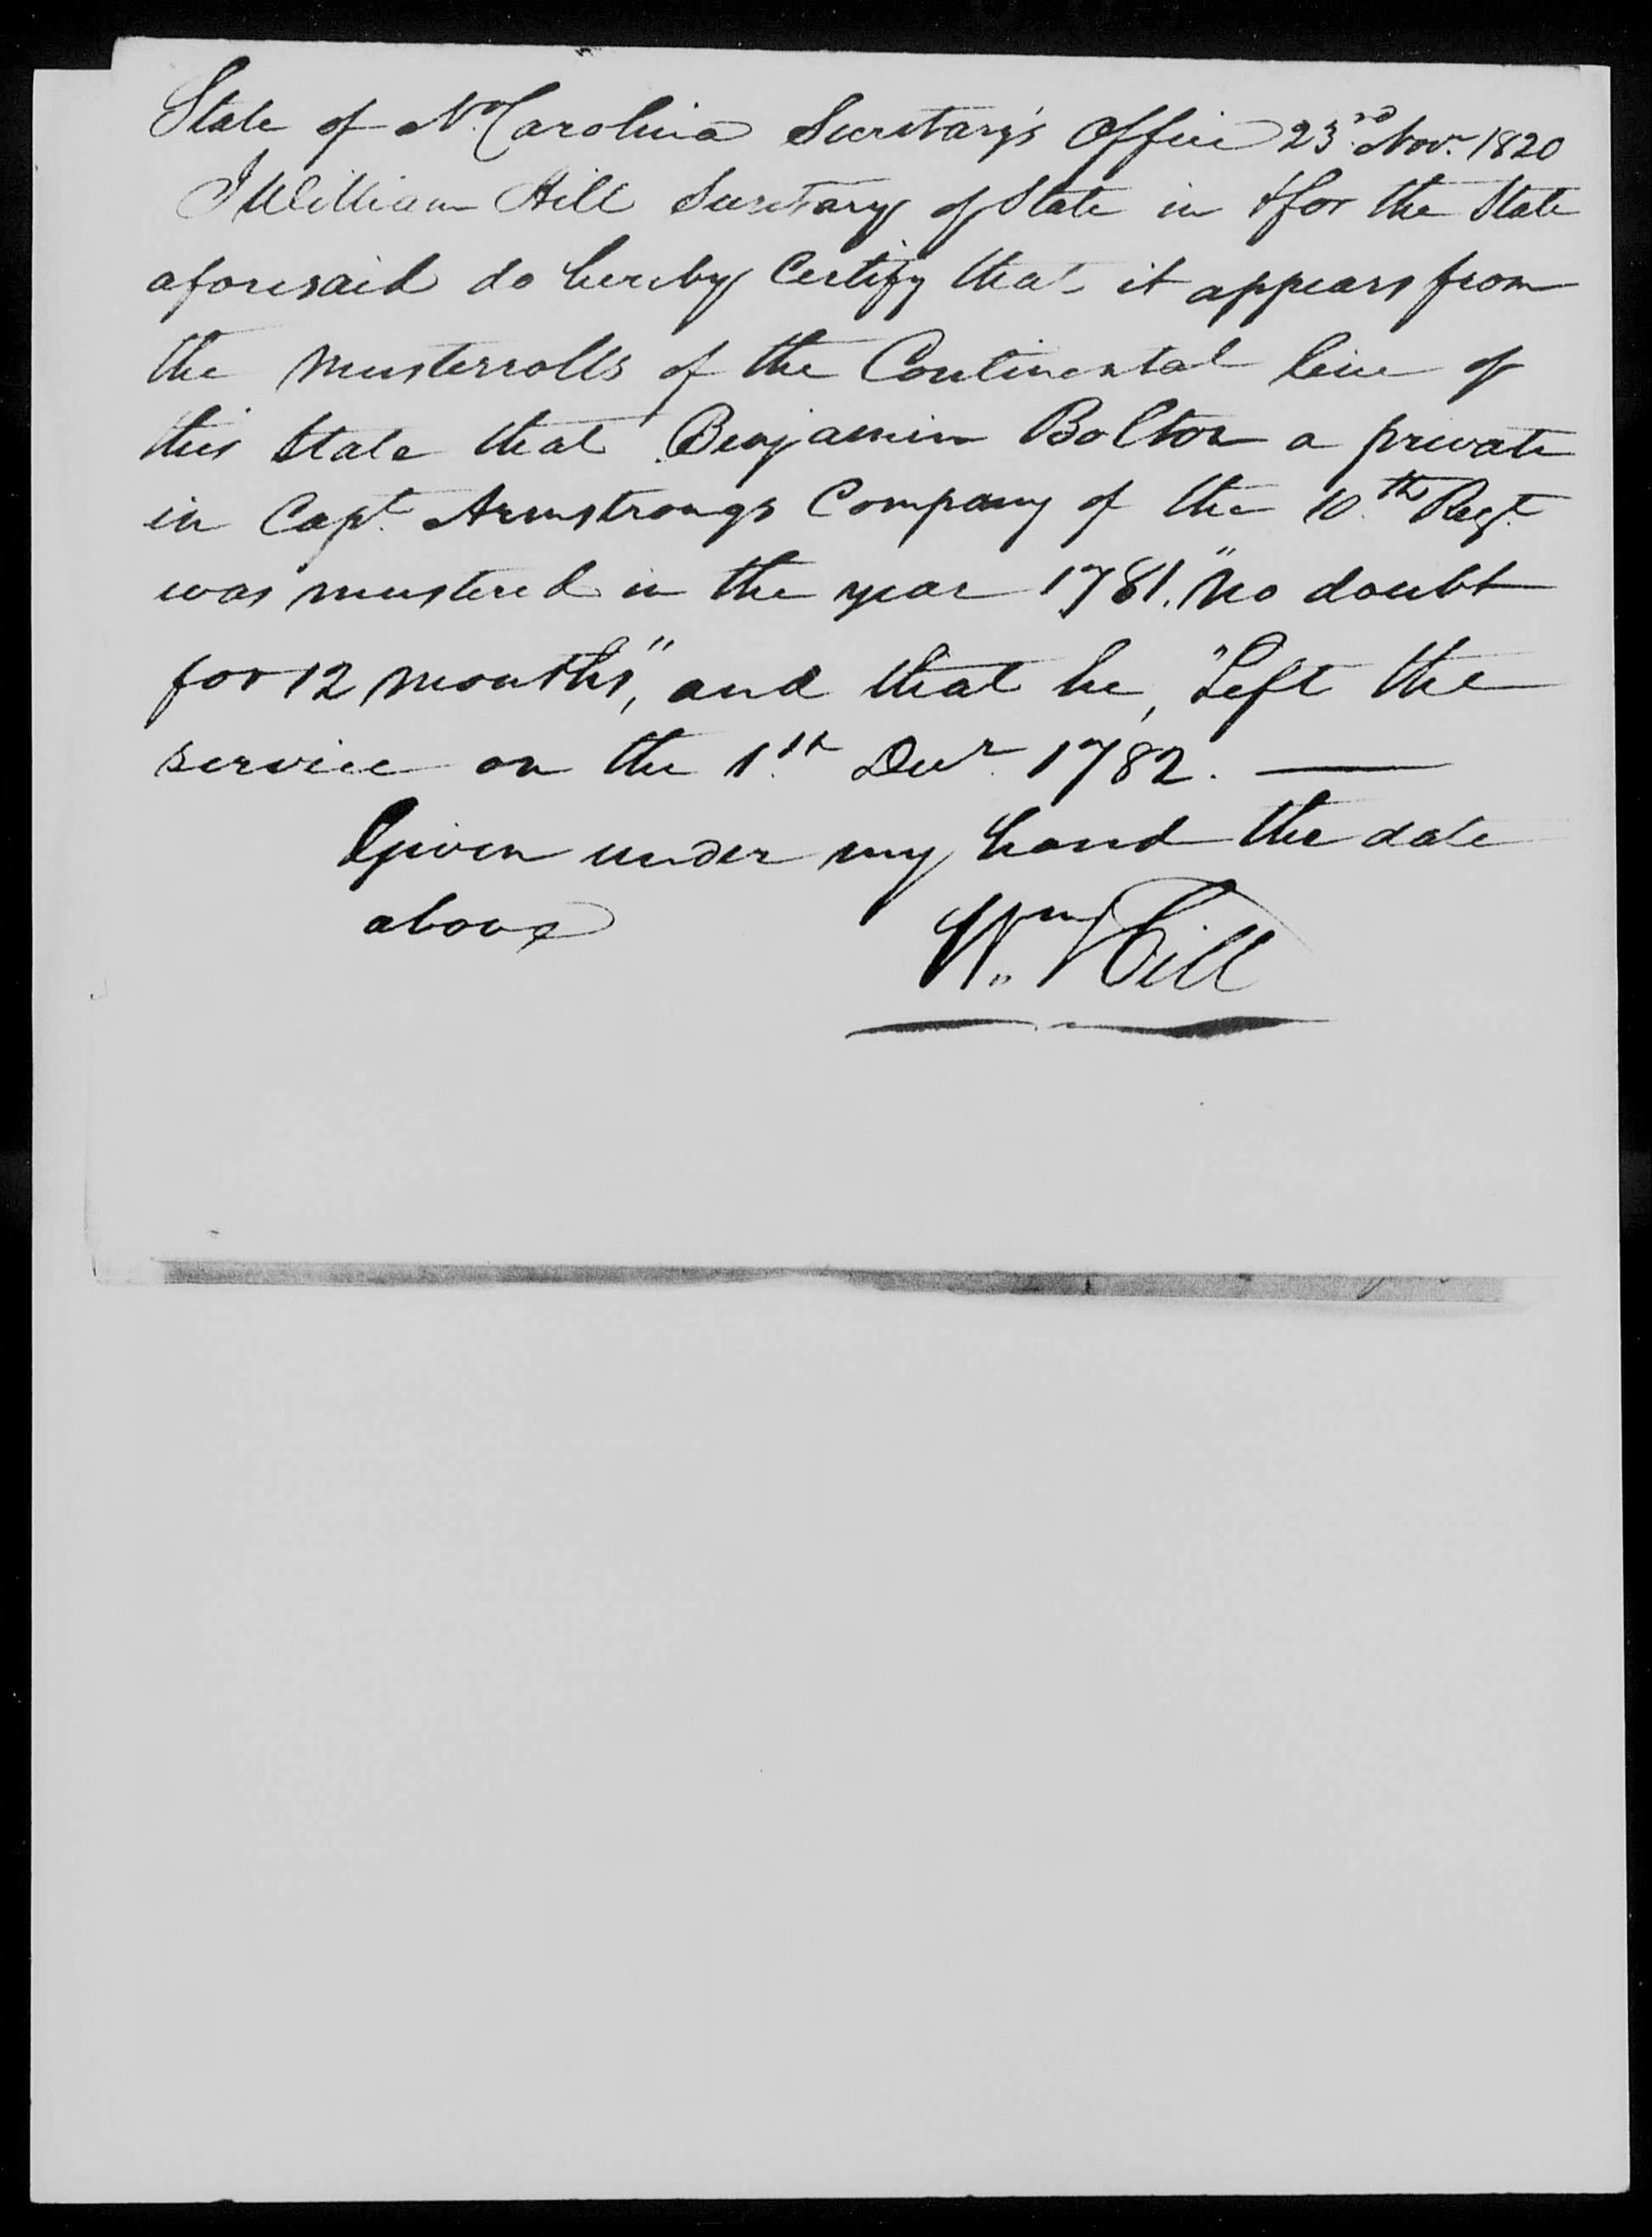State of No. Carolina Secretary's Office 23rd Nov 1820
I William Hill Secretary of State in and for the State aforesaid do hereby certify that it appears from the musterrolls of the Continental line of
this State that Benjamin Bolton a private
in Capt. Armstrongs Company of the 10th Regt
was mustered in the year 1781. "No doubt
for 12 months", and that he, "left the
service on the 1st Dec 1782.

Given under my hand the date
above
Wm Hill [William Hill]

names: William Hill, Wm Hill, Benjamin Bolton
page: 16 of 29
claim: survivor's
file: S. 37,795, Benjamin Bolton, N.C.